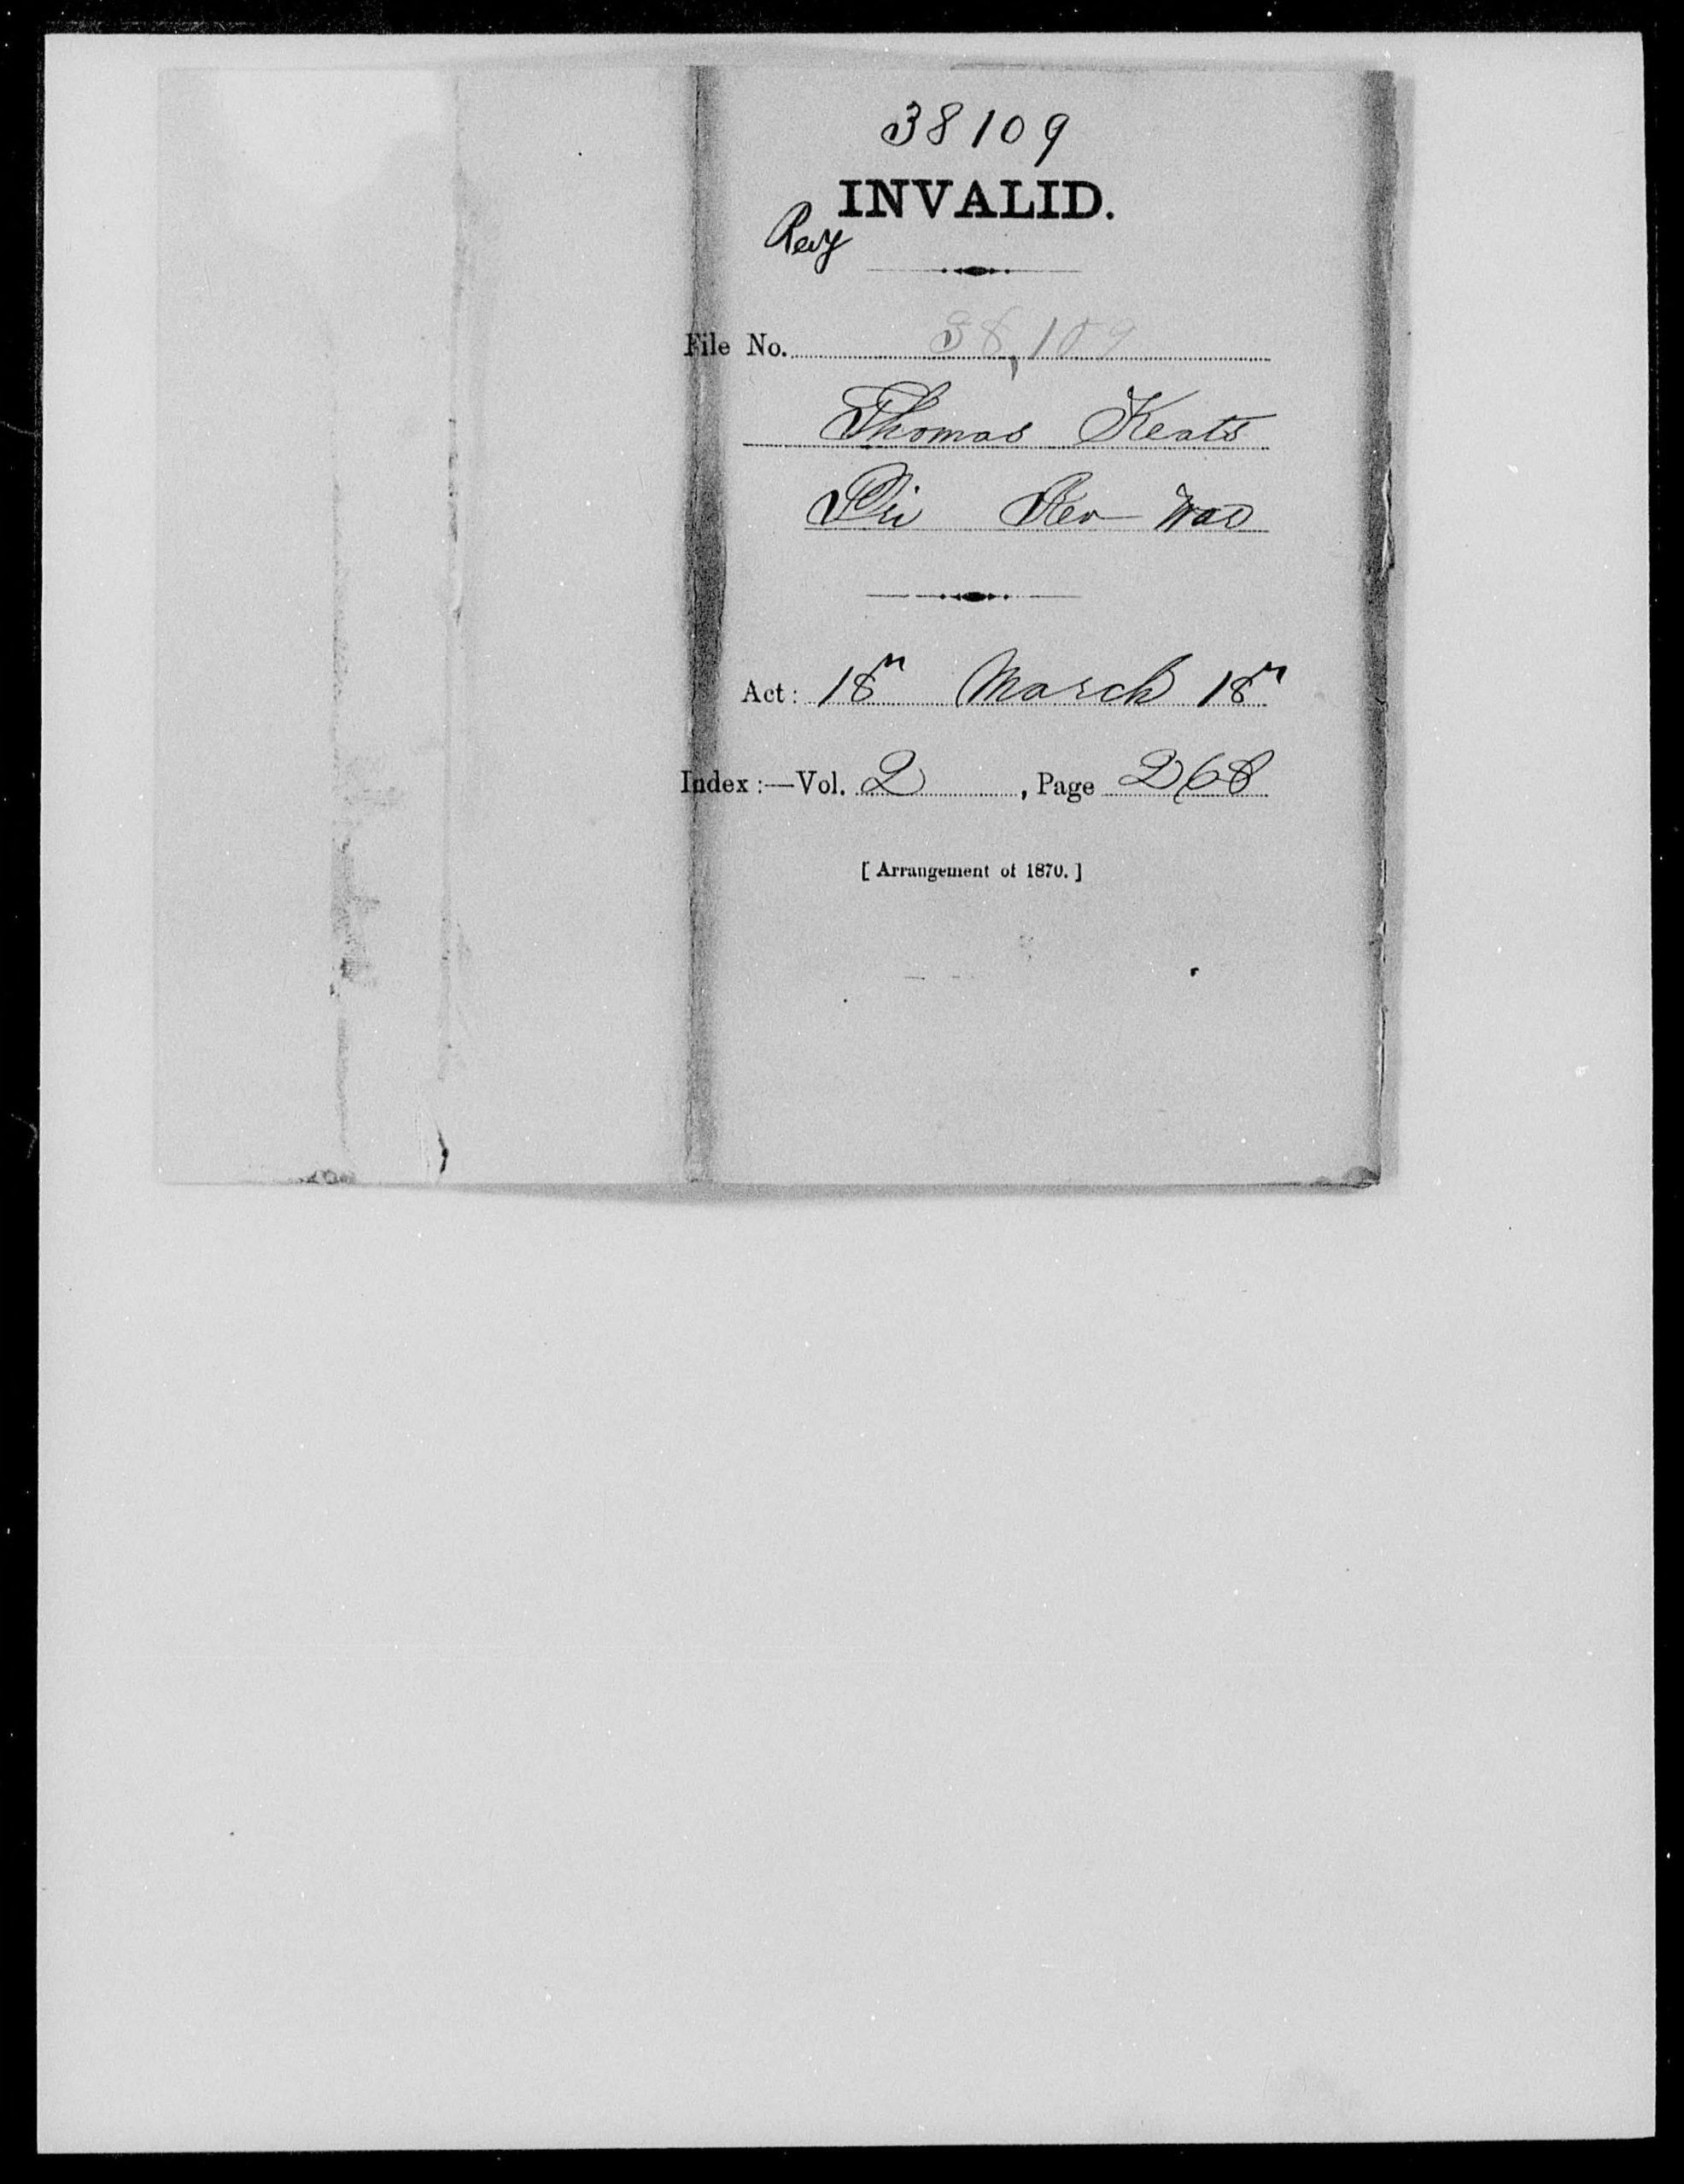38109
INVALID
Revy

File No. 38109
Thomas Keats
{illegible] Rev War

Act: 18 March 18
Index: Vol.2, Page D6P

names: Thomas Keats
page: 9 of 25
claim: survivor's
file: S. 38109, for Thomas Keates, Maryland